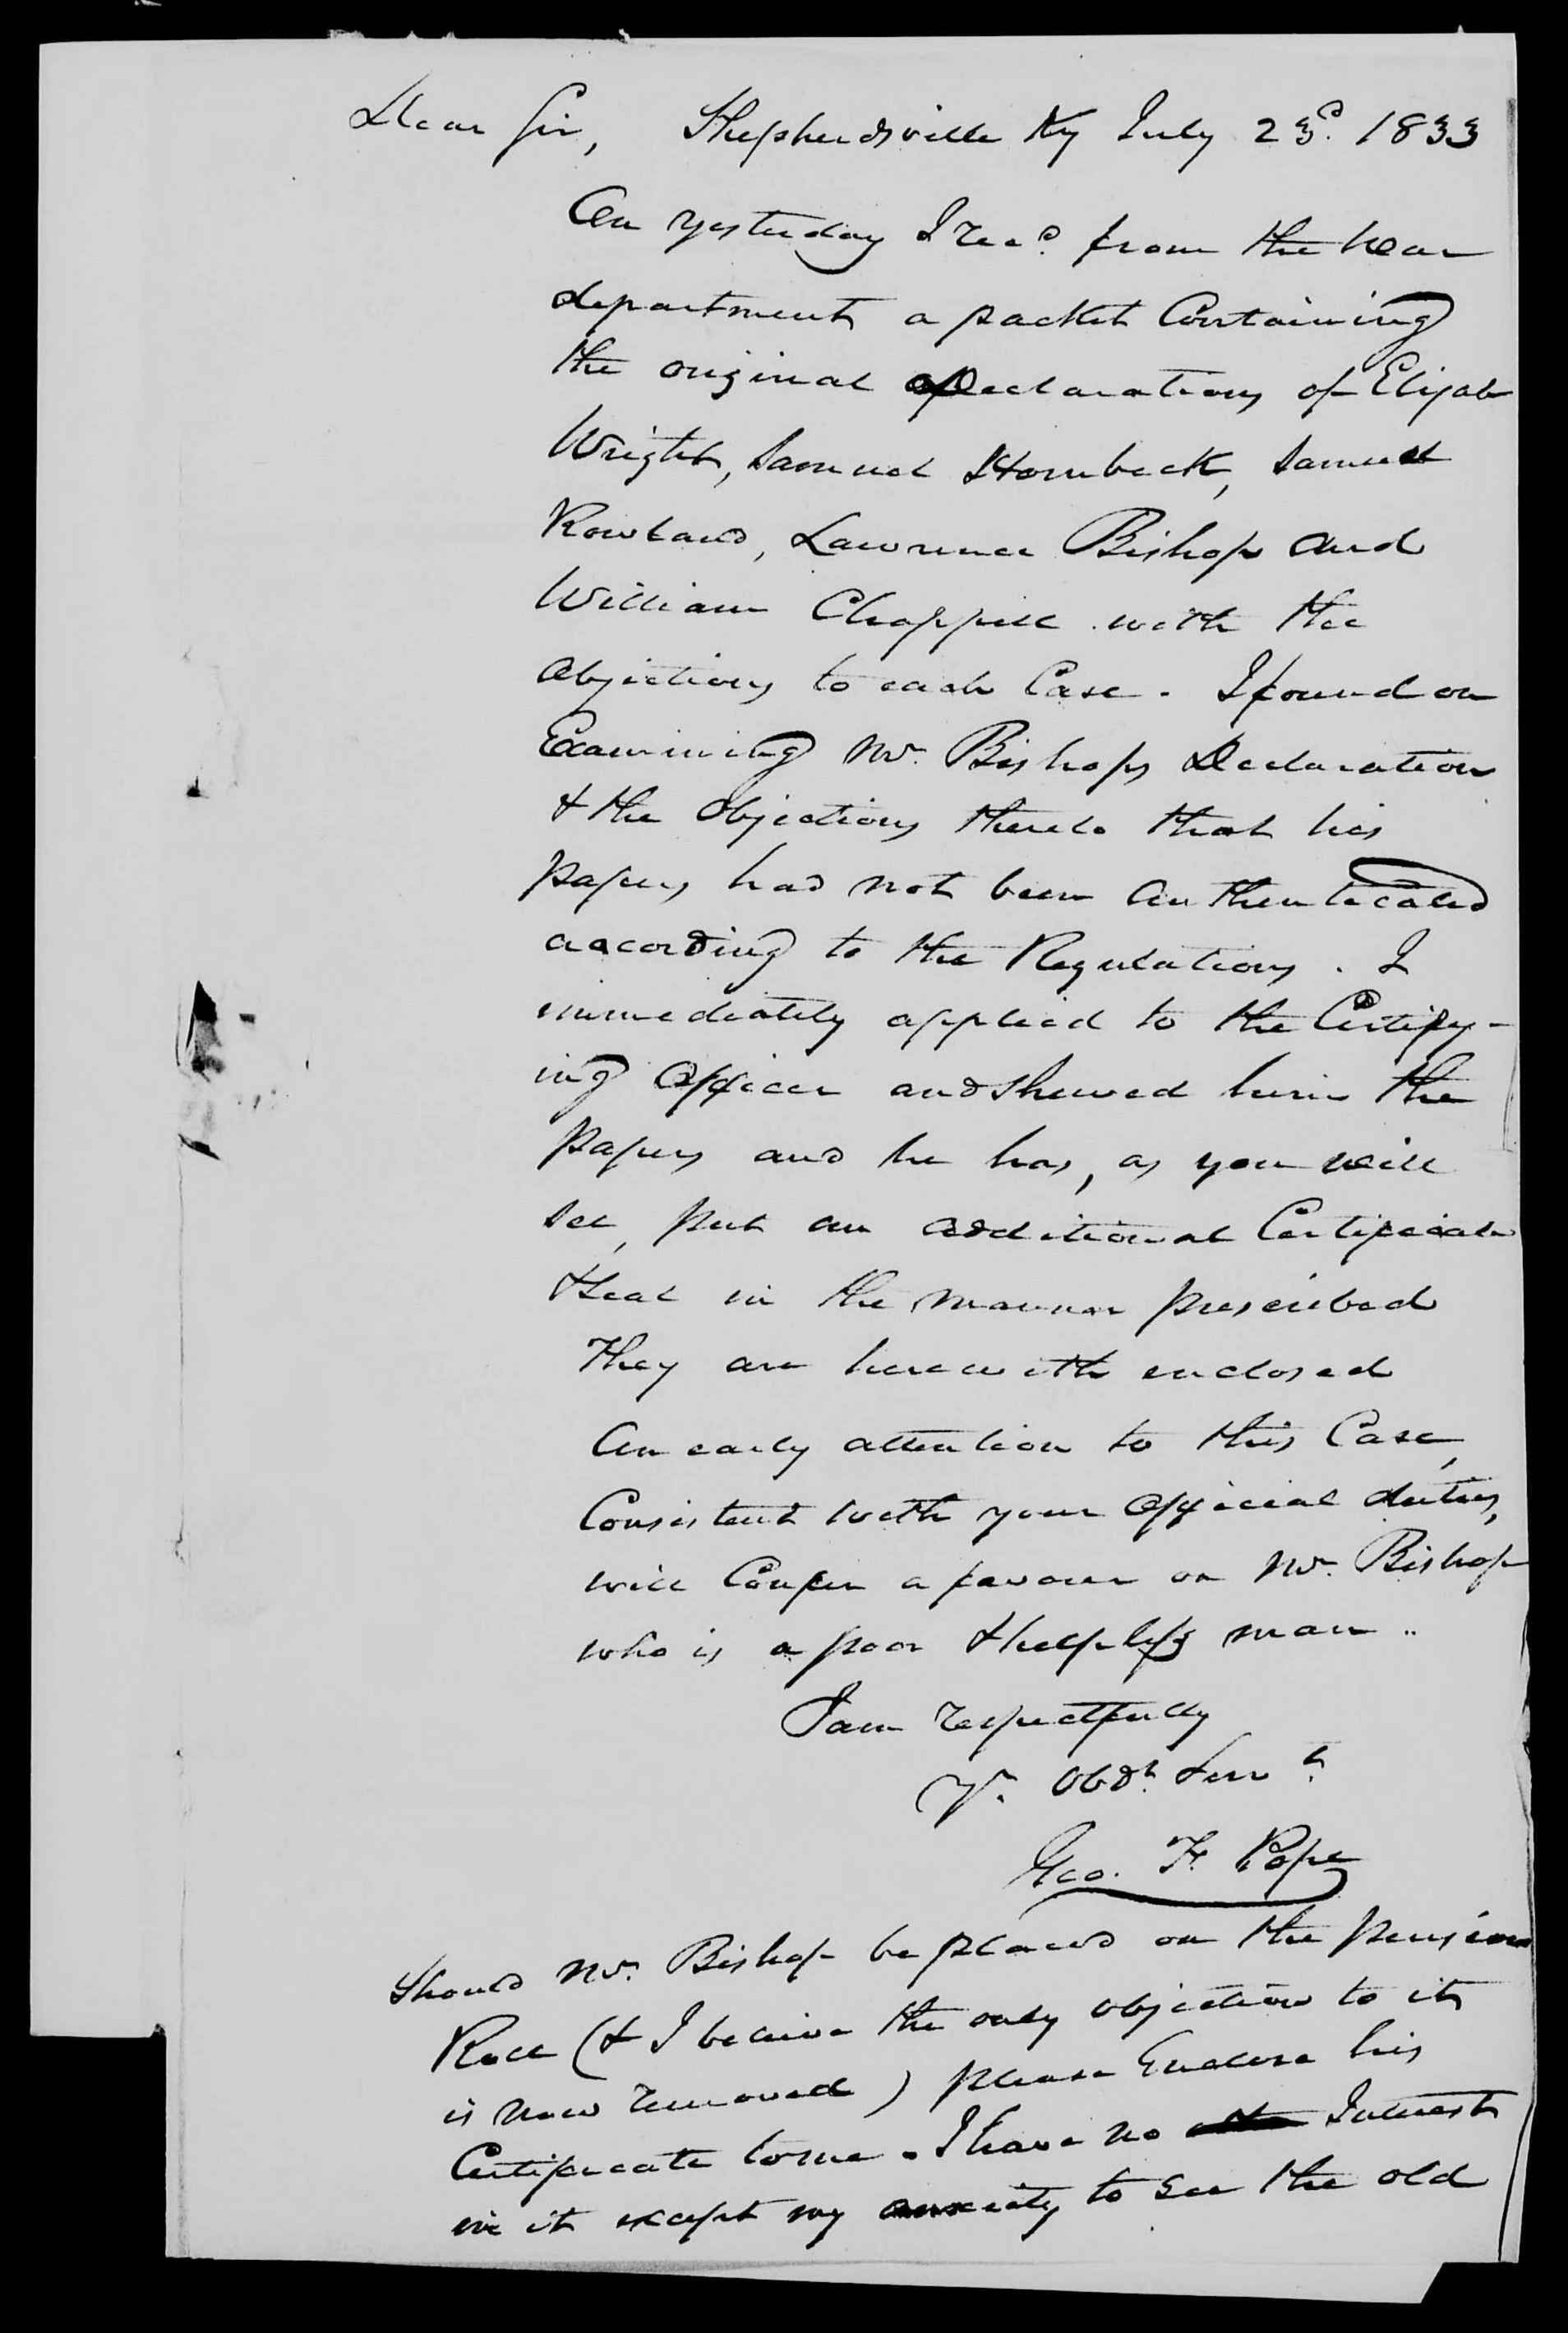Dear Sir, Shepherdsville Ky July 23d 1833 
On yesterday I rec’d from the War department a packet Containing the original declaration of Elijah Wright, Samuel Hornbeck, Samuel Rowland, Lawrence Bishop and William Chappell with the Objections to each case. I found on Examining Mr. Bishops Declaration & the objections thereto that his papers had not been authenticated according to the Regulations. I immediately applied to the certifying Officer and shewed him the papers and he has as you will see put an additional Certificate Seal in the manner prescribed. They are herewith enclosed. An early attention to this case consistent with your official duties, will confer a favour on Mr. Bishop who is a poor & helpless man.
I am respectfully Yr  Obt Svt 
Geo. F. Pope
Should Mr. Bishop be placed on the pension Roll (& I believe the only objection to it is now removed) please Enclose his  Certificate to me. I have no Interest in it except my anxiety to see the old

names: William Chappill, Geo F Pope, Samuel Rowland, Bishop, Samuel Hornbeck, Bishop, Thomas N S Bishop, Lawrence Bishop, Elijah Wright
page: 25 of 26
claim: survivor's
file: S.1,166, Lawrence Bishop, Penn.